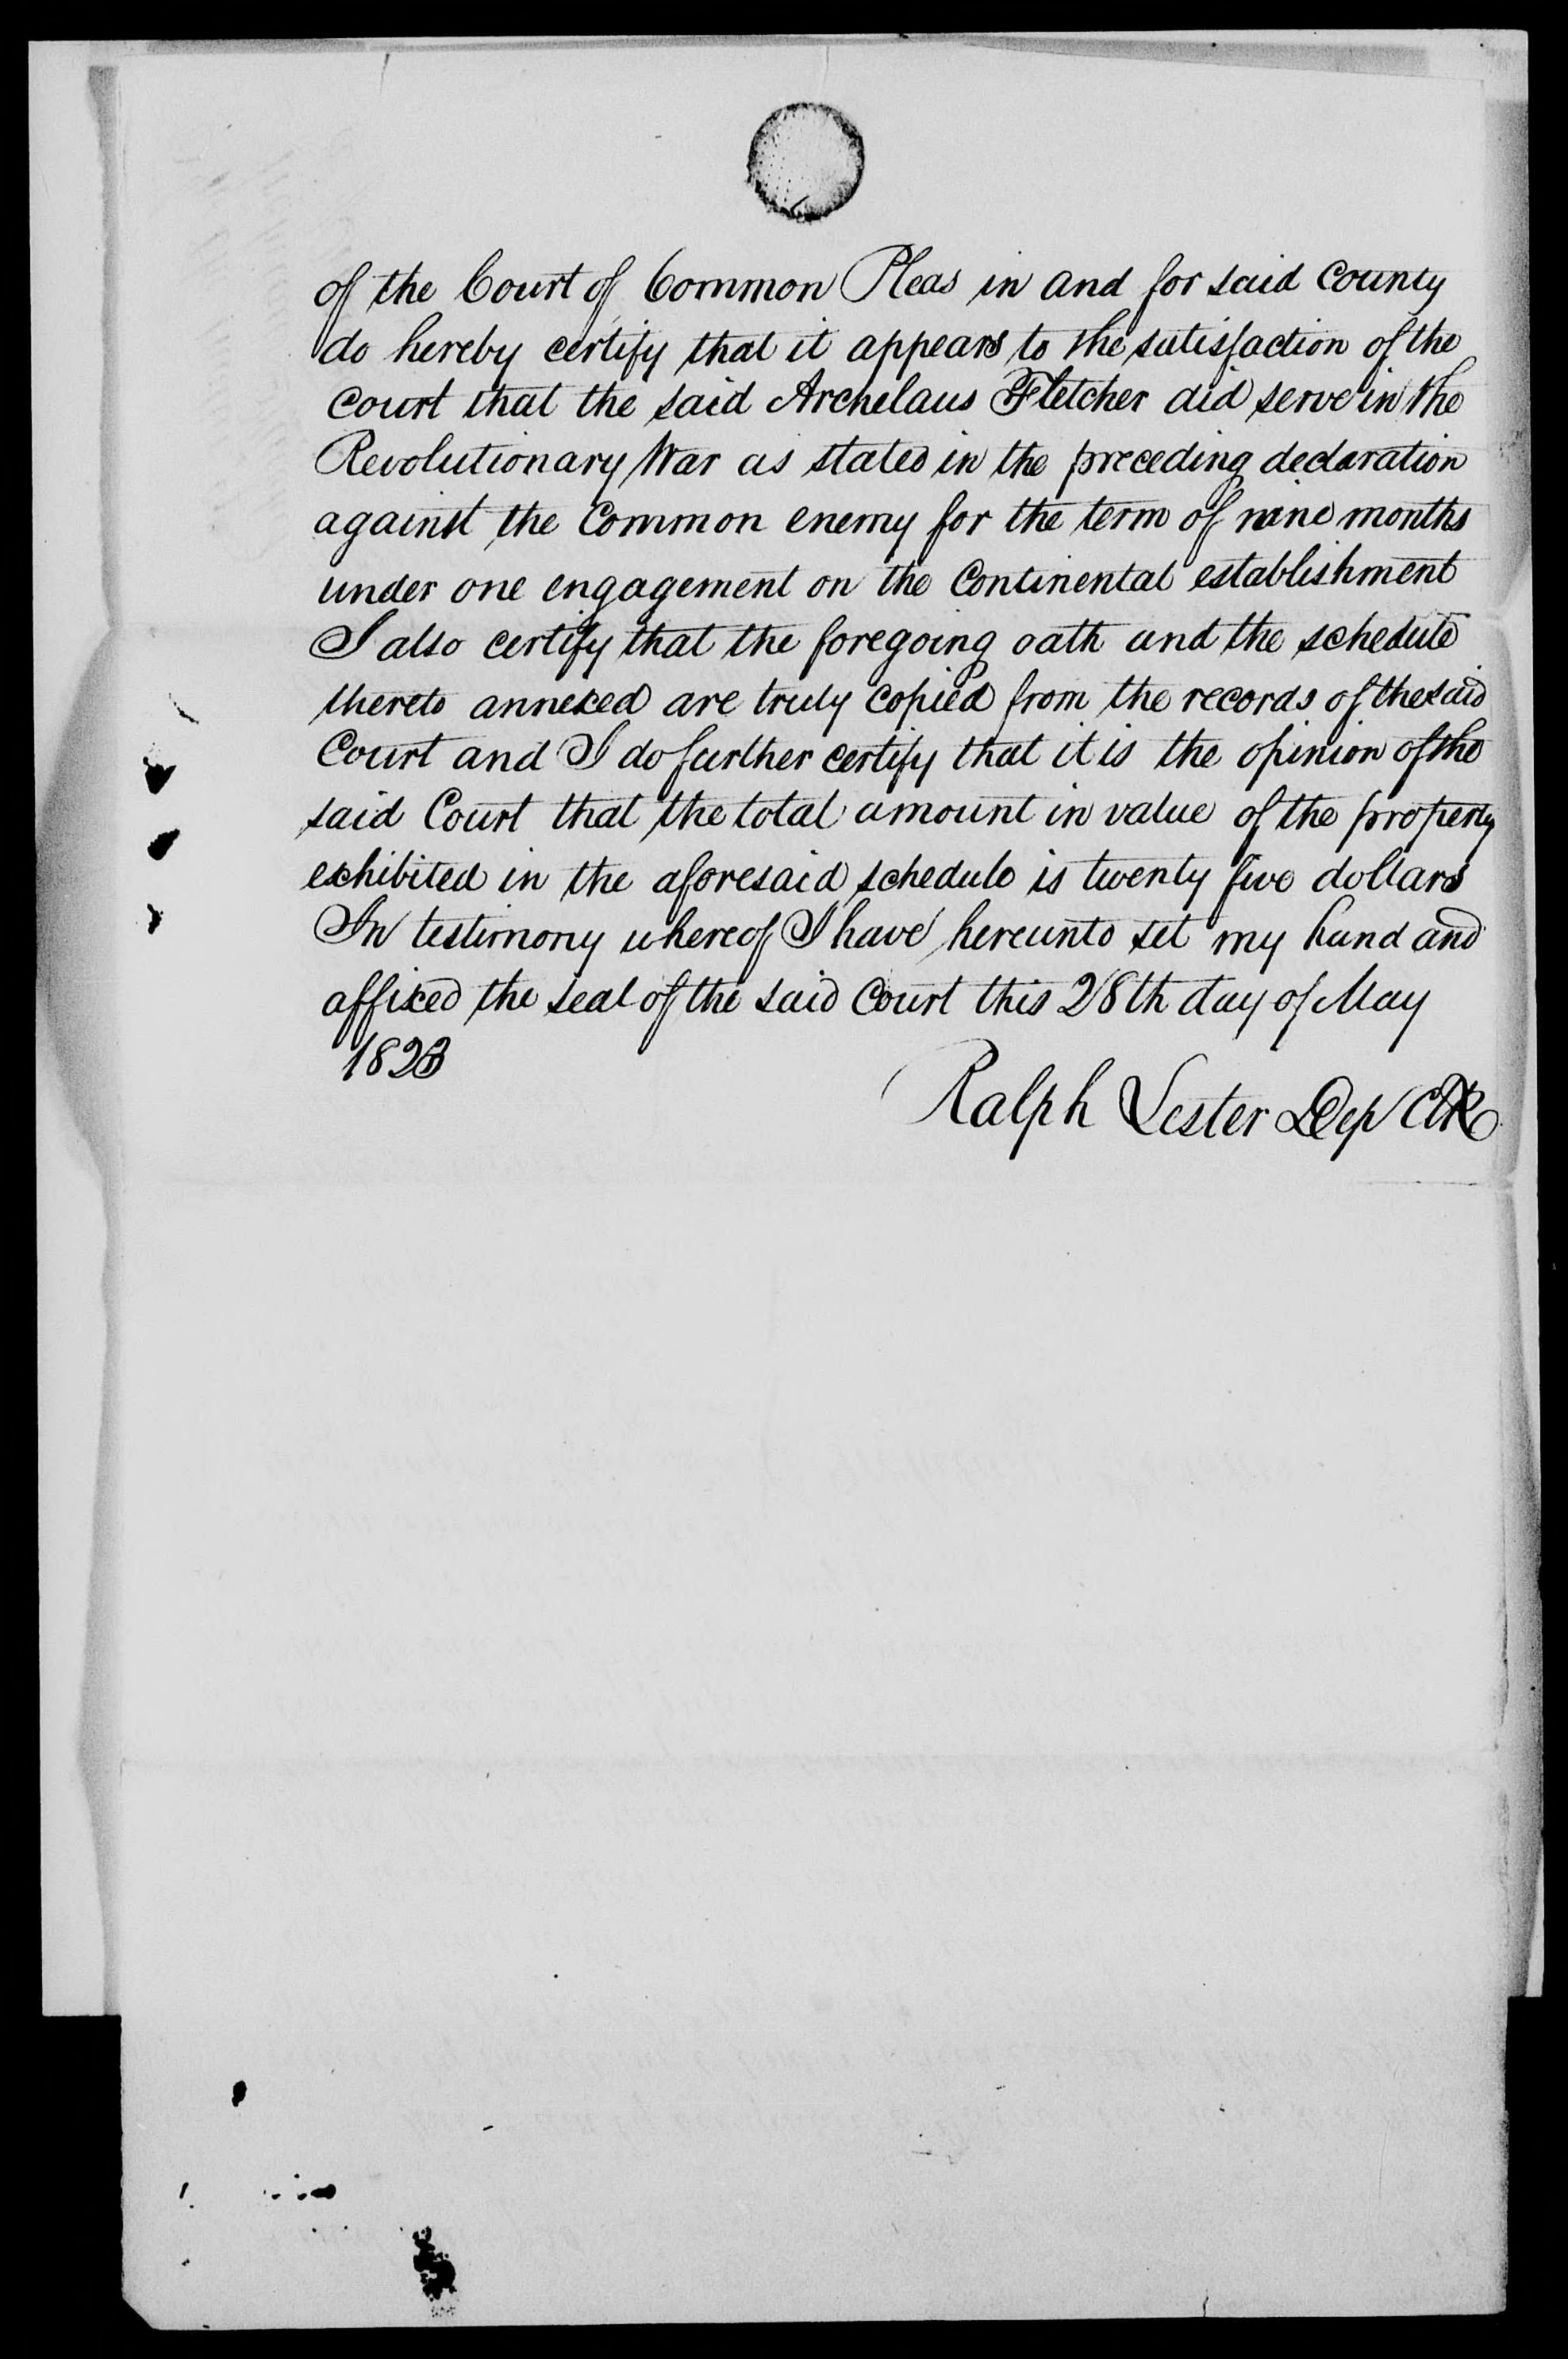...of the Court of Common Pleas in and for said county do hereby certify that it appears to the satisfaction of hte court that the said Archelaus Fletcher did serve in teh Revolutionary War as states in the preceding declaration against the Common enemy for the term of nine months under one engagement on the Continental Estalbishment I also certify that the foregoing oath a nd the schedule thereto annexed are truly copied from teh records of the said Court and I do further certify that it is the opinion of the said Court htat the total amount in value of the property exhibited in the aforesaid schedule is twenty five dollars. In testimony whereof I have hereunto set my hand and affix th eseal of the said Court this 28th day of May 1823
(signed) Ralph Lester Dep Clk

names: Archelaus Fletcher, Ralph Lester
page: 10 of 18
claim: survivor's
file: S. 44822, Archelaus Fletcher, Mass.